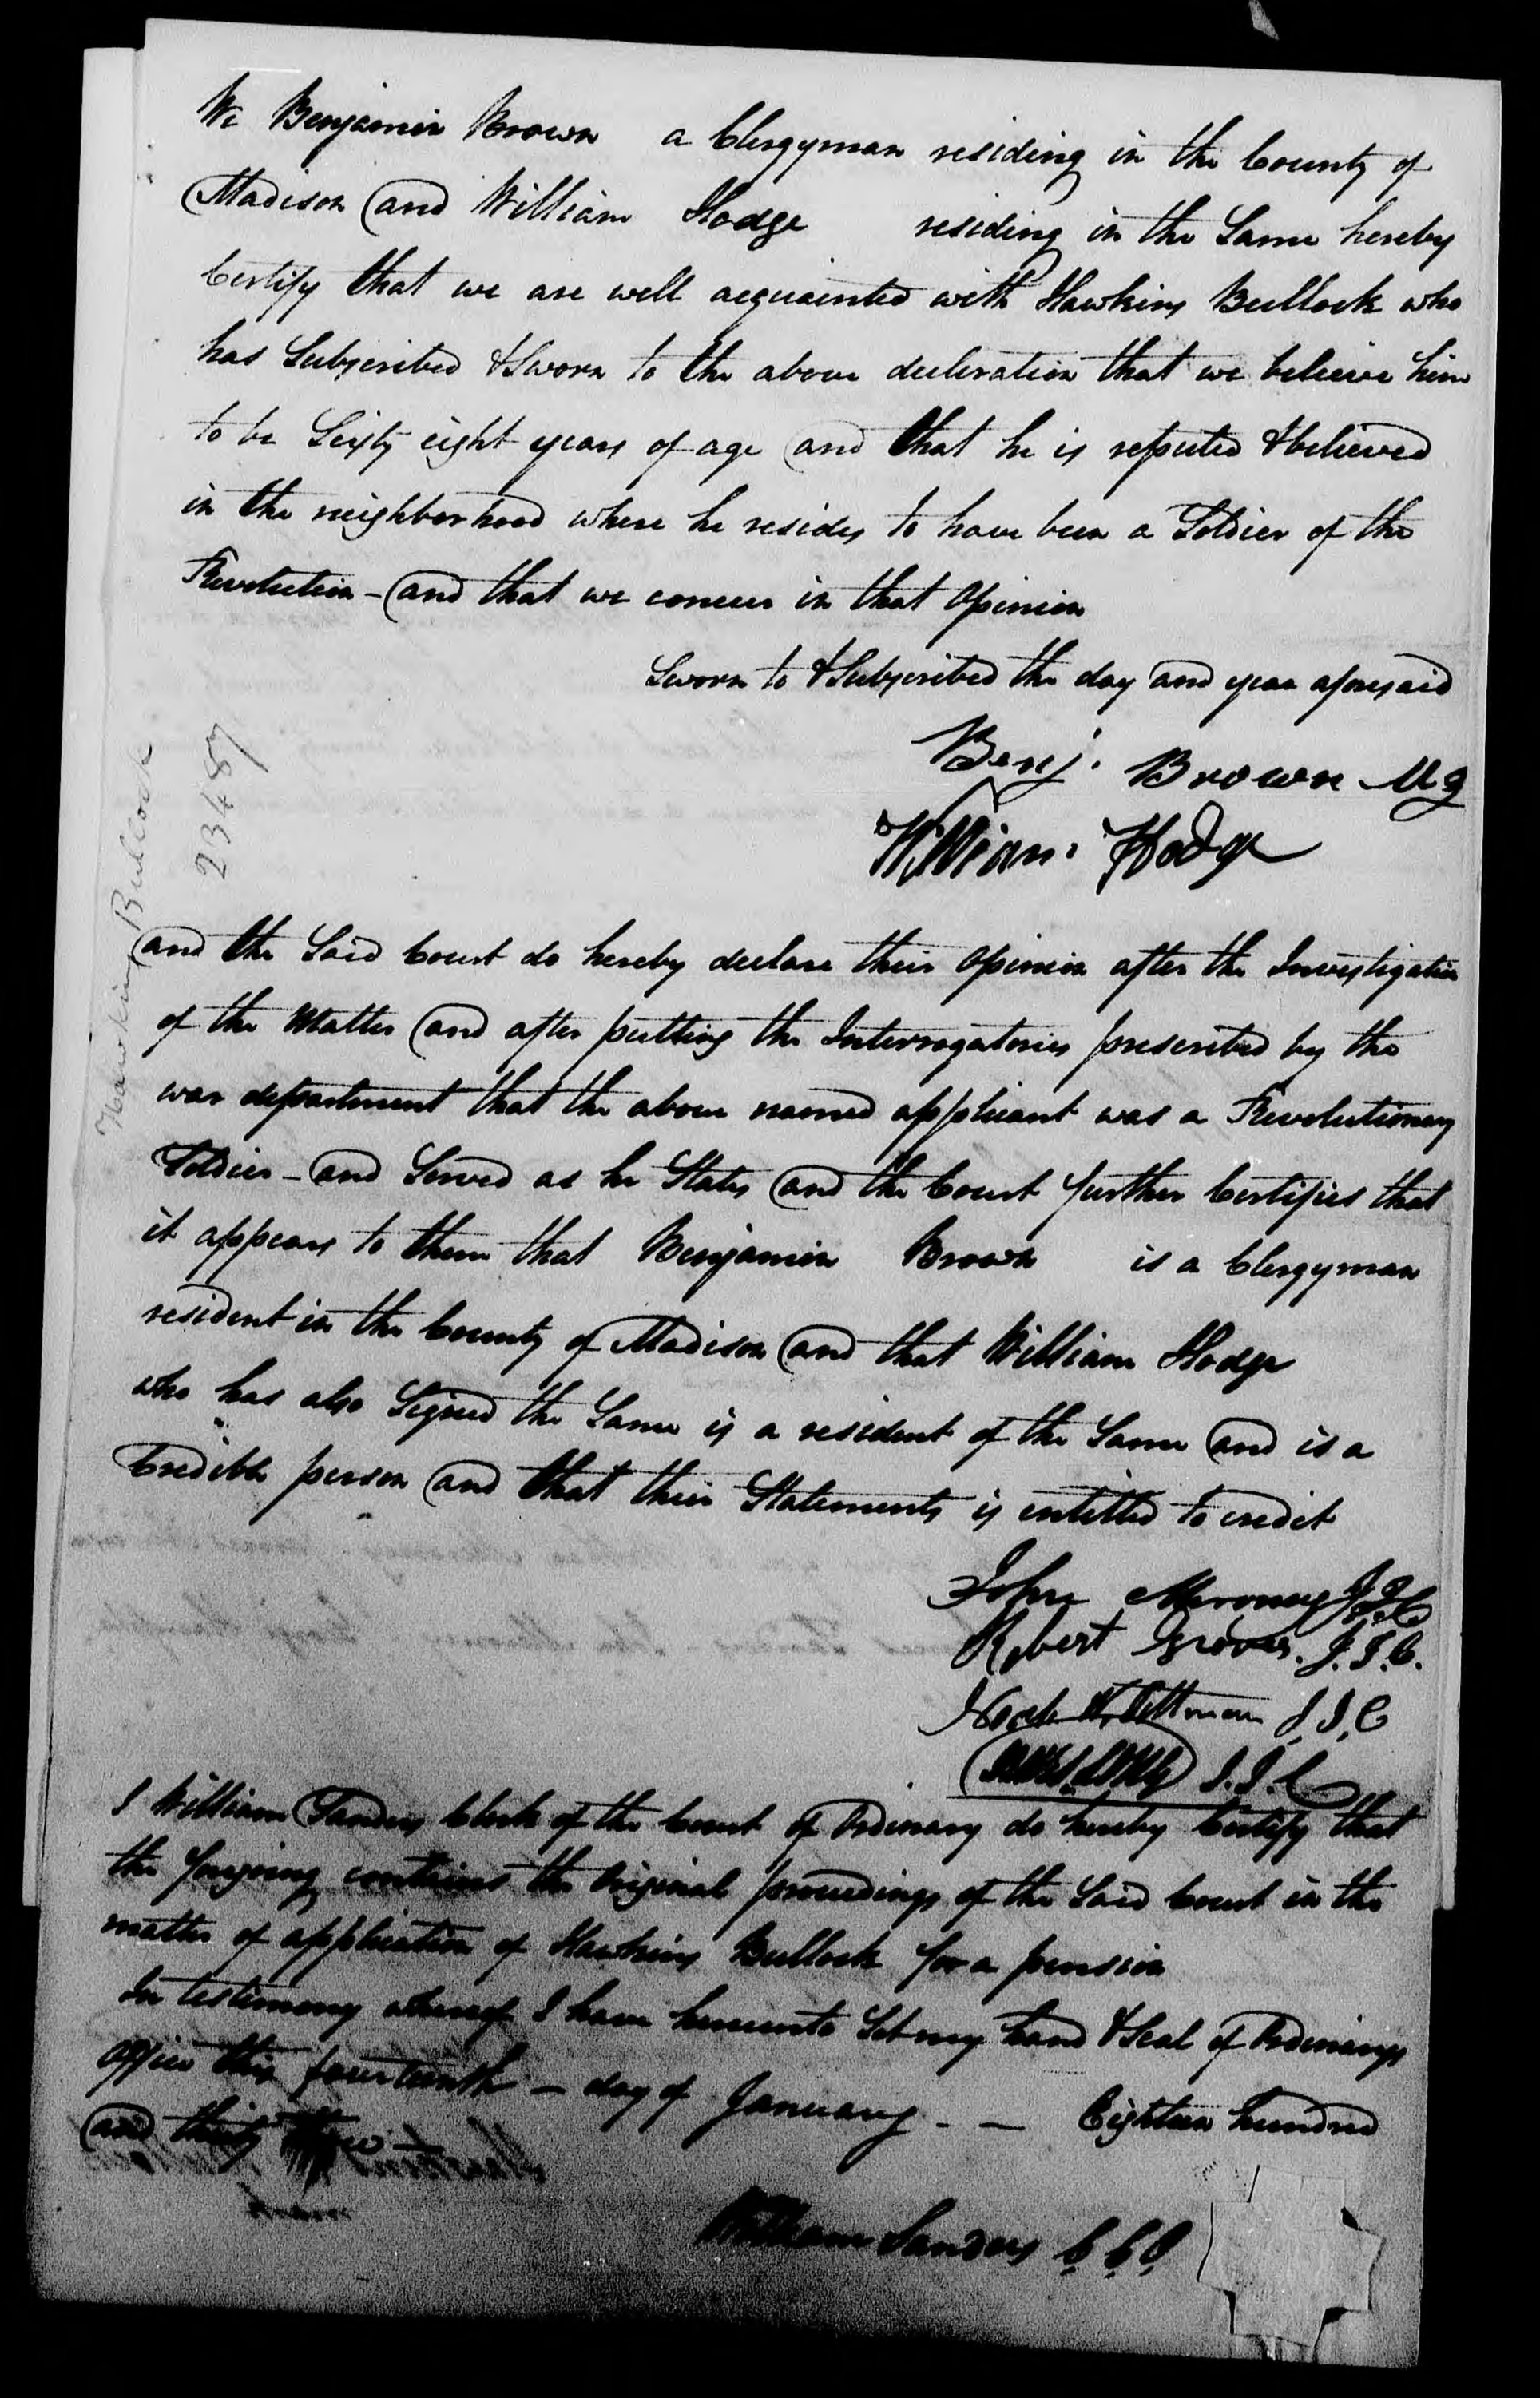We Benjamin Brown a Clergyman residing in the County of Madison and William Hodge residing in the same hereby certify that we are well acquainted with Hawkins Bullock who has subscribed & Sworn to the above declaration that we believe him to be Sixty eight years of age and that he is reputed & believed in the neighborhood where he resides to have been a soldier of the Revolution and that we concur in that opinion
Sworn to & Subscribed the day and year aforesaid
Benj Brown Mg
William Hodge

and the said Court do hereby declare their opinion after the Investigation of the matter and after putting the Interrogatories presented by the war department that the above named applicant was a Revolutionary Soldier and served as he States and the Court further certifies that it appears to them that Benjamin Brown is a Clergyman resident in the County of Madison and that William Hodge who has also signed the same is a resident of the same and is a Credible person and that their statements is entitled to credit
John Meroney J.I.C.
Robert Grove J.I.C.
Noah W. Pittman J.I.C
[illegible] J.I.C.

I William Sanders Clerk of the Court of Ordinary do hereby Certify that the foregoing contains the original proceedings of the said Court in the matter of application of Hawkins Bullock for a pension
In testimony whereof I have hereunto set my hand & Seal of [illegible] office this fourteenth day of January Eighteen hundred and thirty three.
William Sanders C.C.O.

[sideways print]
Hawkins Bullock 23487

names: Noah W Pittman, Benjamin Brown, William Hodge, William Landey, Hawkins Bullock, Hawkins Bullock, Benj Brown, William Hodge, William Sanders, Robert Groves, John Meroney, William Hodge, Benjamin Brown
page: 6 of 24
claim: survivor's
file: S. 31,586, Hawkins Bullock, S.C.